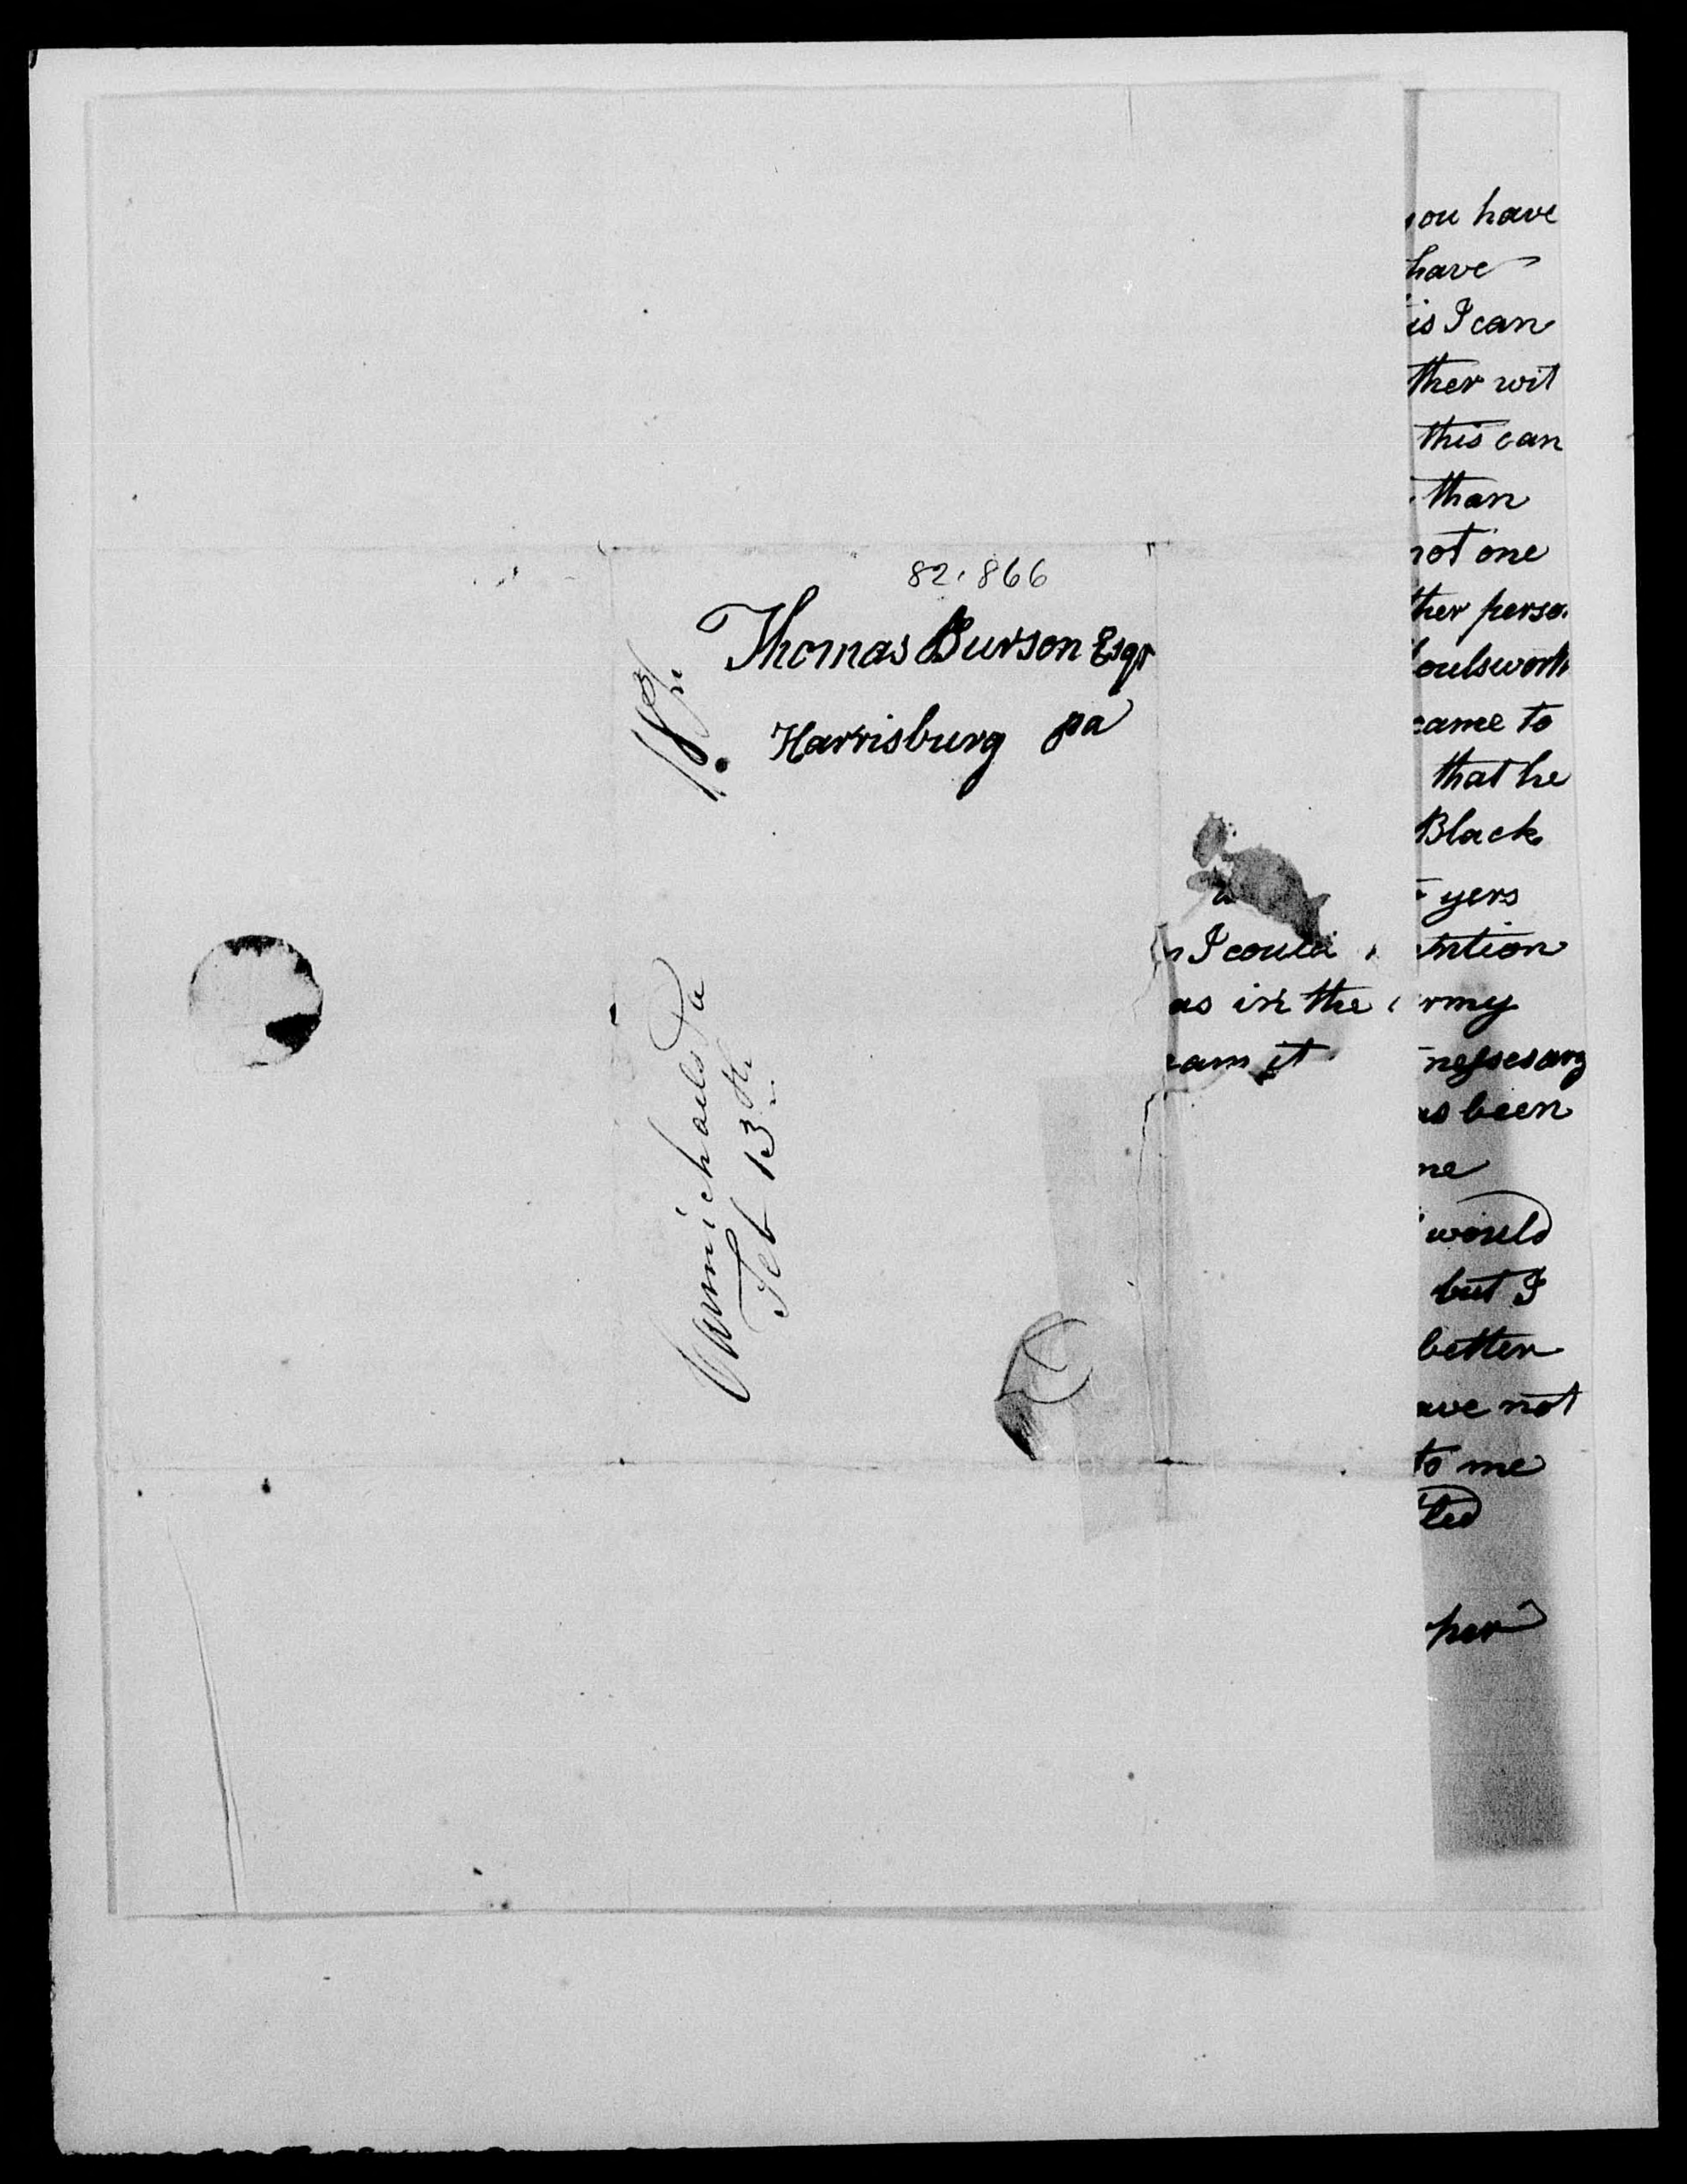Thomas Burson Esquire
Harrisburg pa
18 ?
Carmichaels PA
Feb 13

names: Thomas Burson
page: 76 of 81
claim: survivor's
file: S. 1908, Richard Harper, N.C.